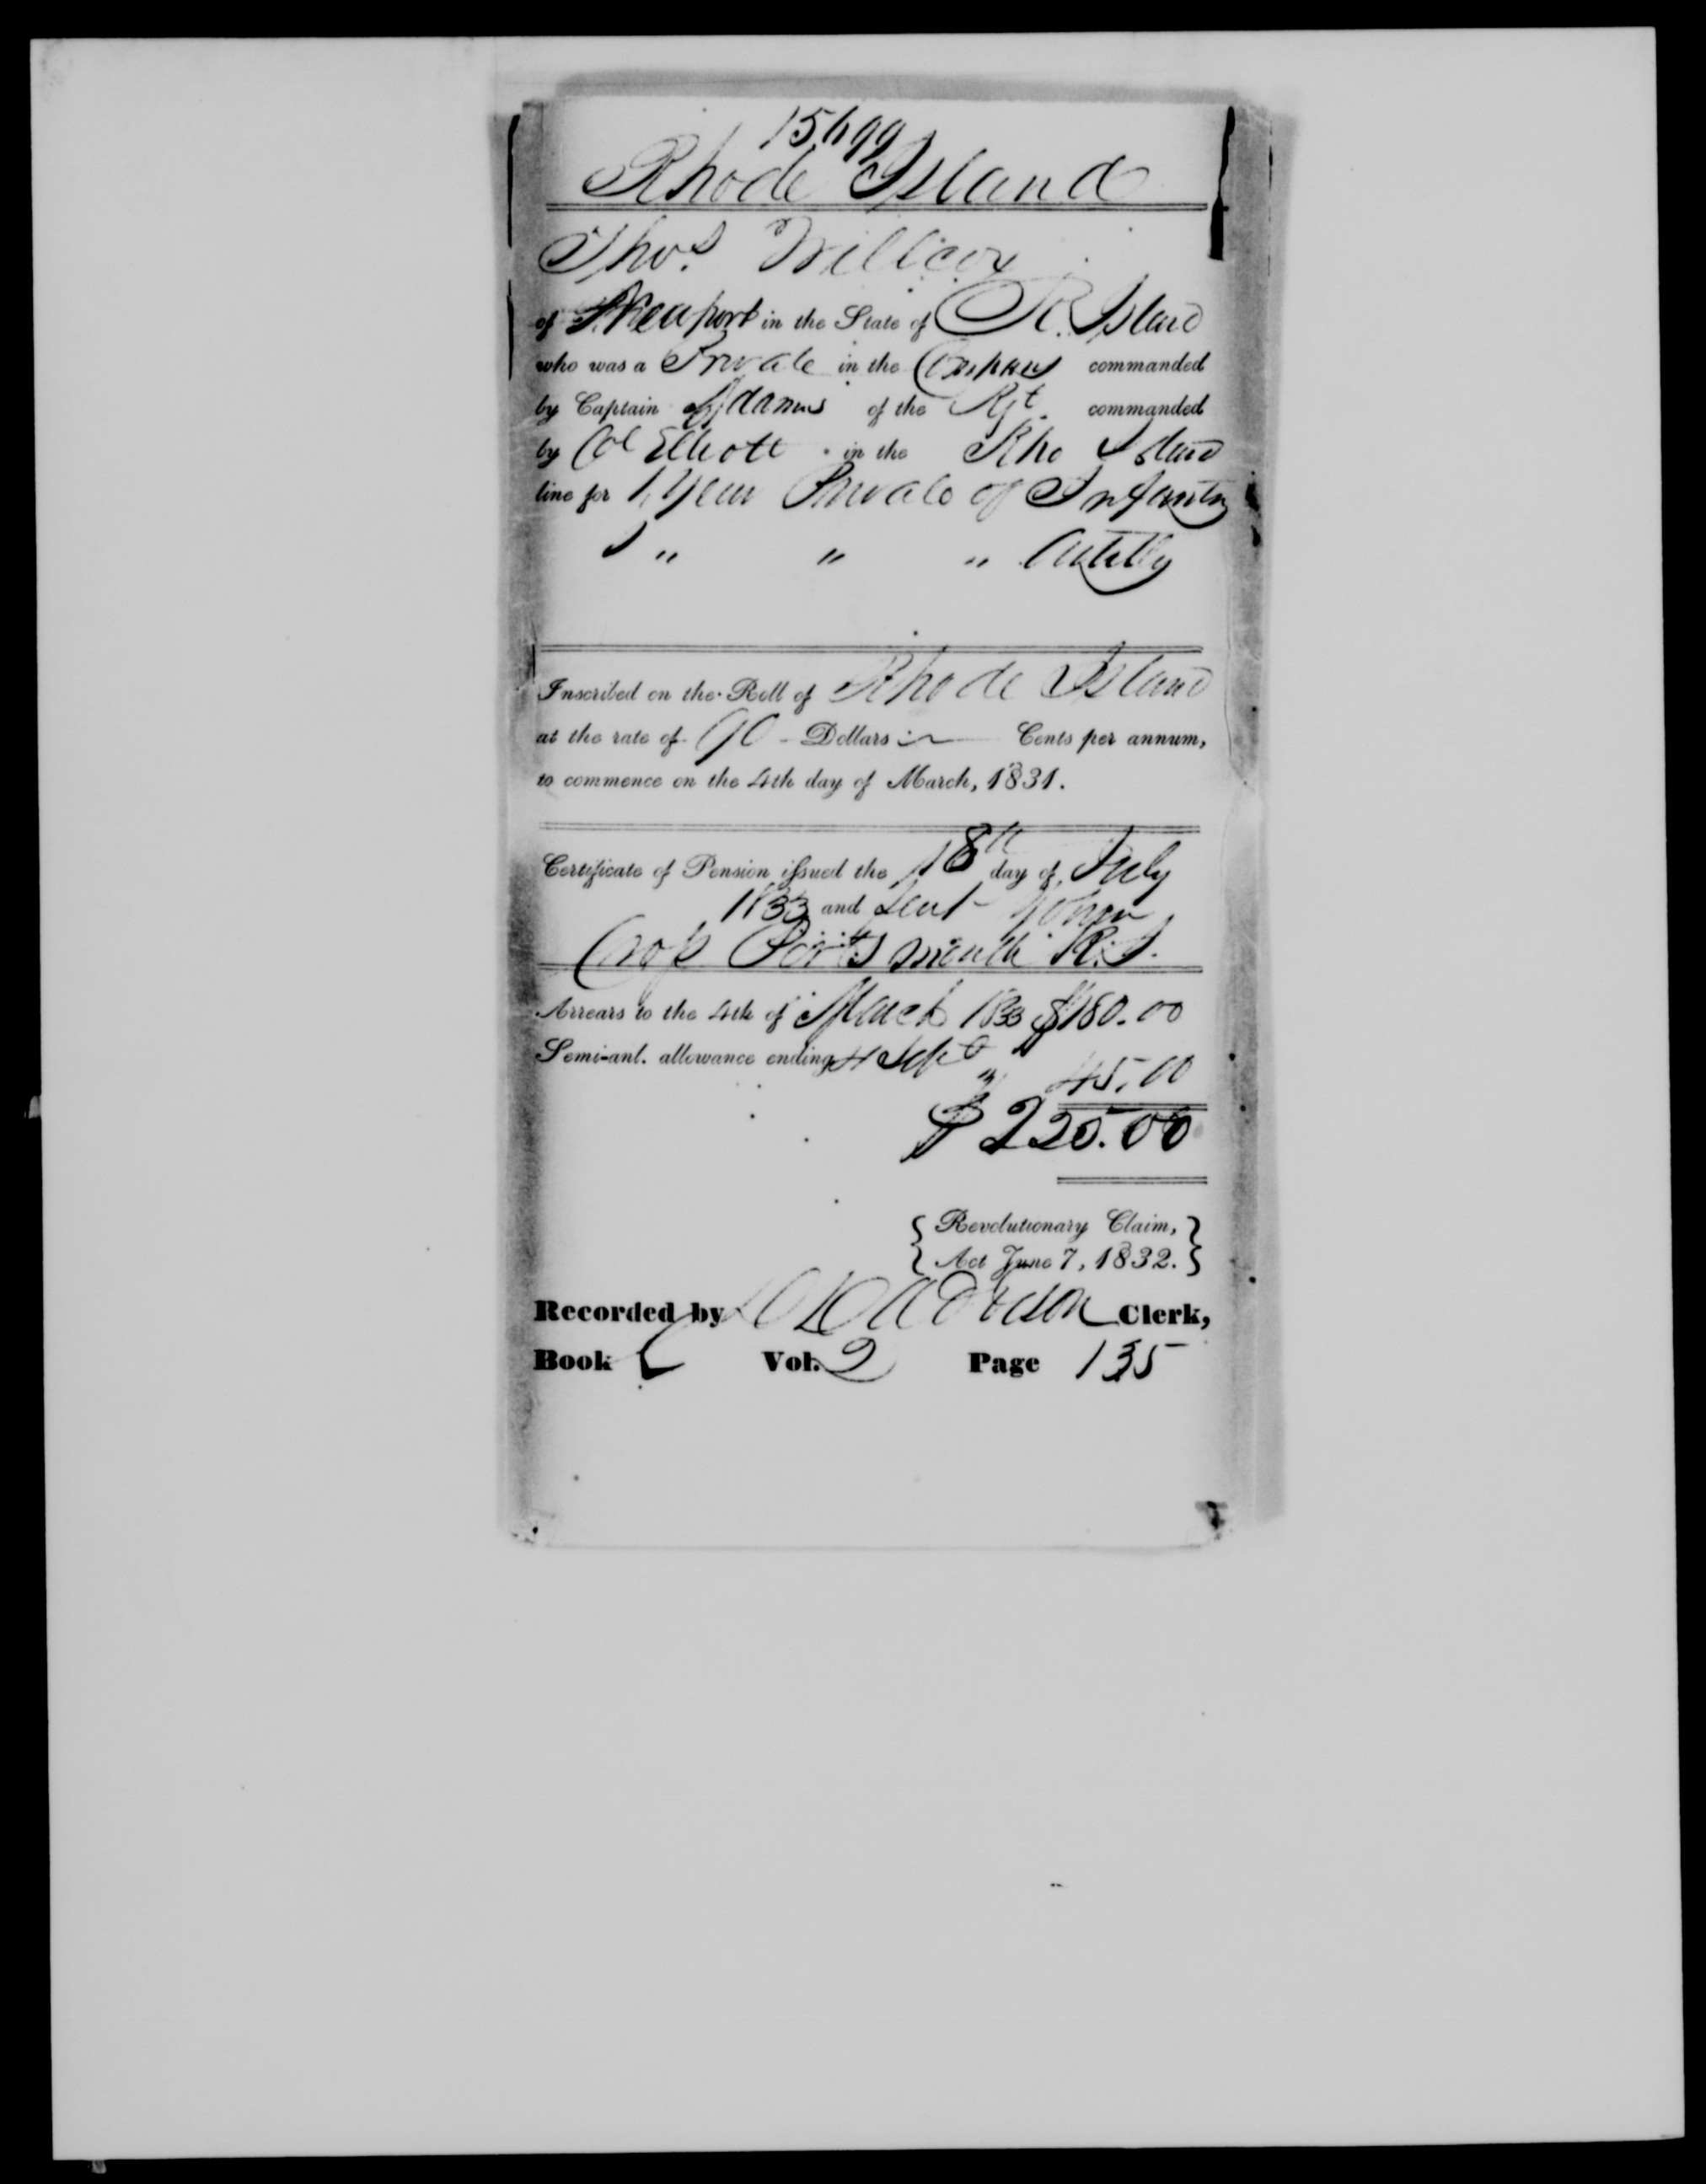15699
Rhode Island
Thos Willcox
of Newport in the State of R. Island
who was a Private in the company commanded 
by Captain Adams of the Rgt. commanded by Col Elliott in the Rho Island 
line for 1 Year Private of Infantry 
'' '' ''  Calvary
------
------

Inscribed on the Roll of Rhode Island
at the rate of 90 Dollars ~ Cents per annum,
to commence on the 4th day of March, 1831.

-----
-----
Certificate of Pension issued the 18th day of July, 1833 and sent to him 
? Portsmouth, R.I. 
-----
-----
arrears to the 4th of March 1833 $180.00
Semi-anl. allowance ending ?
$45.00
-----
-----
$225.00

{Revolutionary Claim,
Act June 7, 1832}
Recorded by D. Addison, Clerk,
Book 2
Vol. 2
Page 135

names: D D Addison, Elliott, John Cross, Thos Willcox, Adams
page: 2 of 39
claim: widow's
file: W. 26046, Thomas Willcox, R.I.